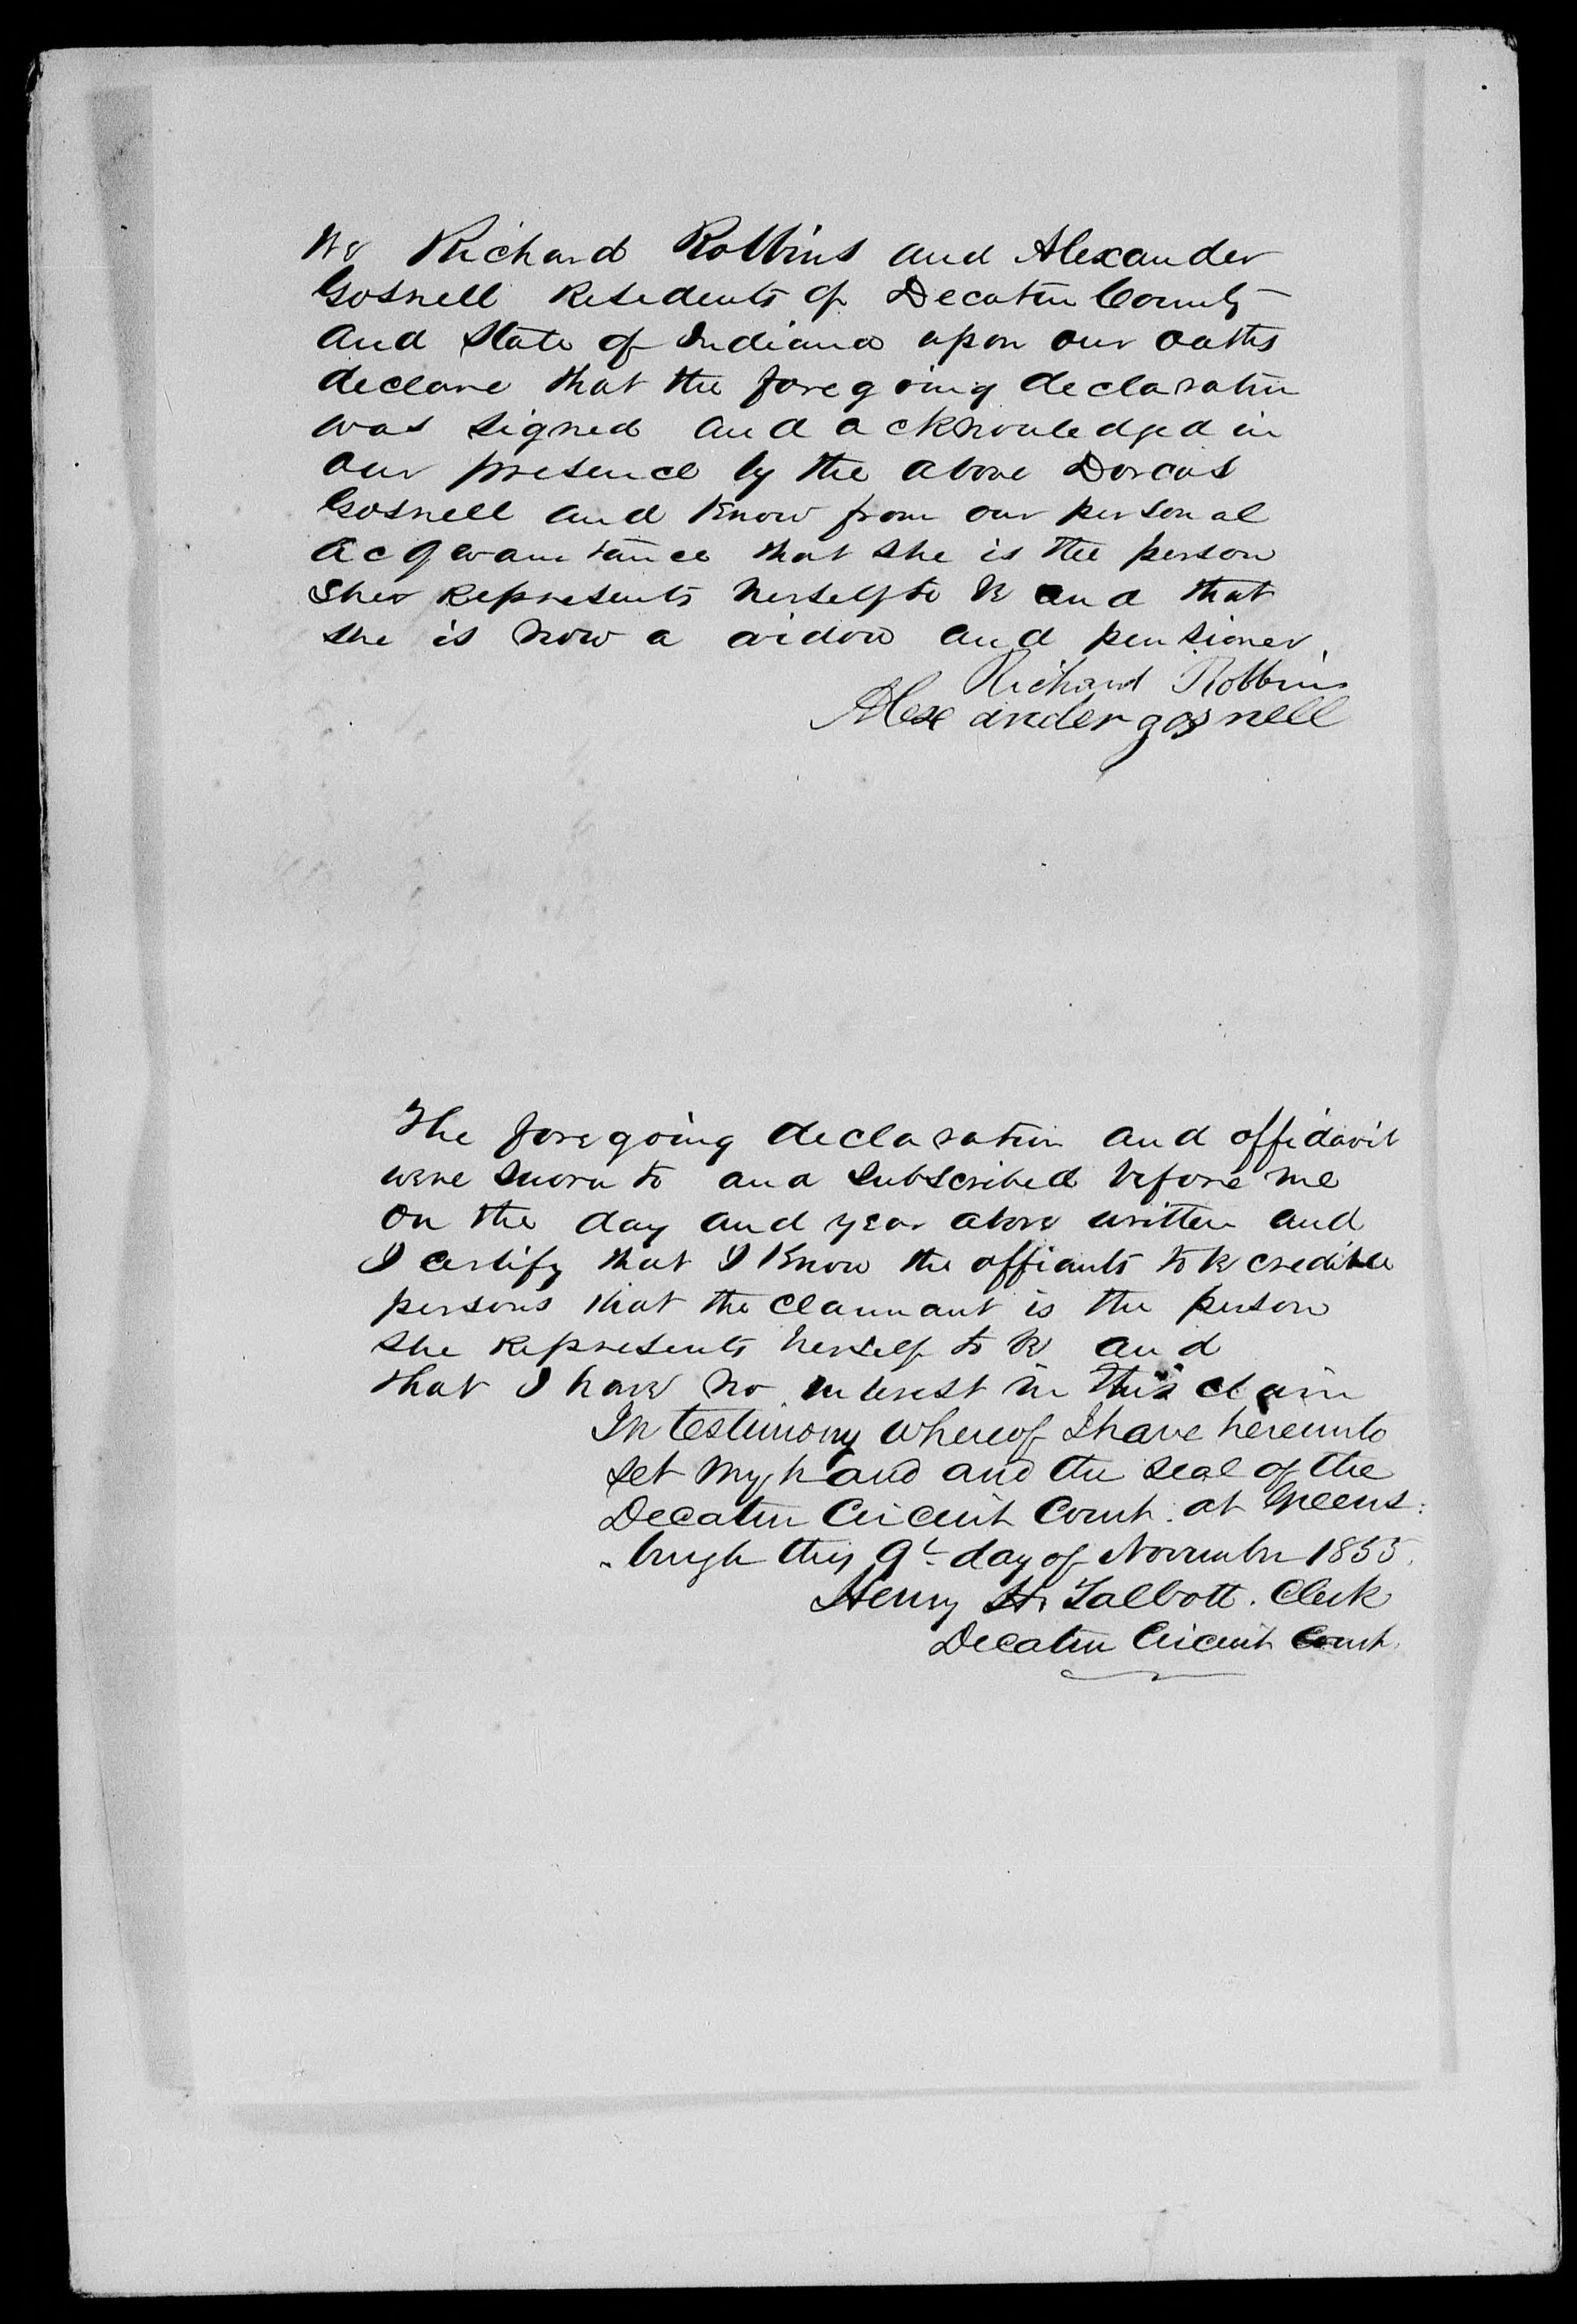We Richard Rollins and Alexander Gosnell Residents of Decatur County and State of Indiana upon our oaths declare that the foregoing declaration was signed and acknowledged in our presence by the above Dorcas Gosnell and know from our personal acquaintance that she is the person she represents herself to be and that she is now a widow and pensioner.
Richard Robbins
Alexander Gosnell

The foregoing declaration and affidavit were sworn to and subscribed before me on the day and year above written and I certify that I konw the affiants to be credible persons that the claimant is the person she represents herself to be and that I have no interest in this claim
In testimony whereof I have hereunto set my hand and the seal of the Decatur Circuit Court at Greensburgh this 9th day of November 1855.
Henry H. Talbott. Clerk
Decatur Circuit Court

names: Richard Robbins, Alexander Gosnell, Dorcas Gosnell, Alexander Gosnell, Richard Robbins, Henry H Talbott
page: 16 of 39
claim: widow's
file: W. 11060, Benjamin Gosnell, Va.